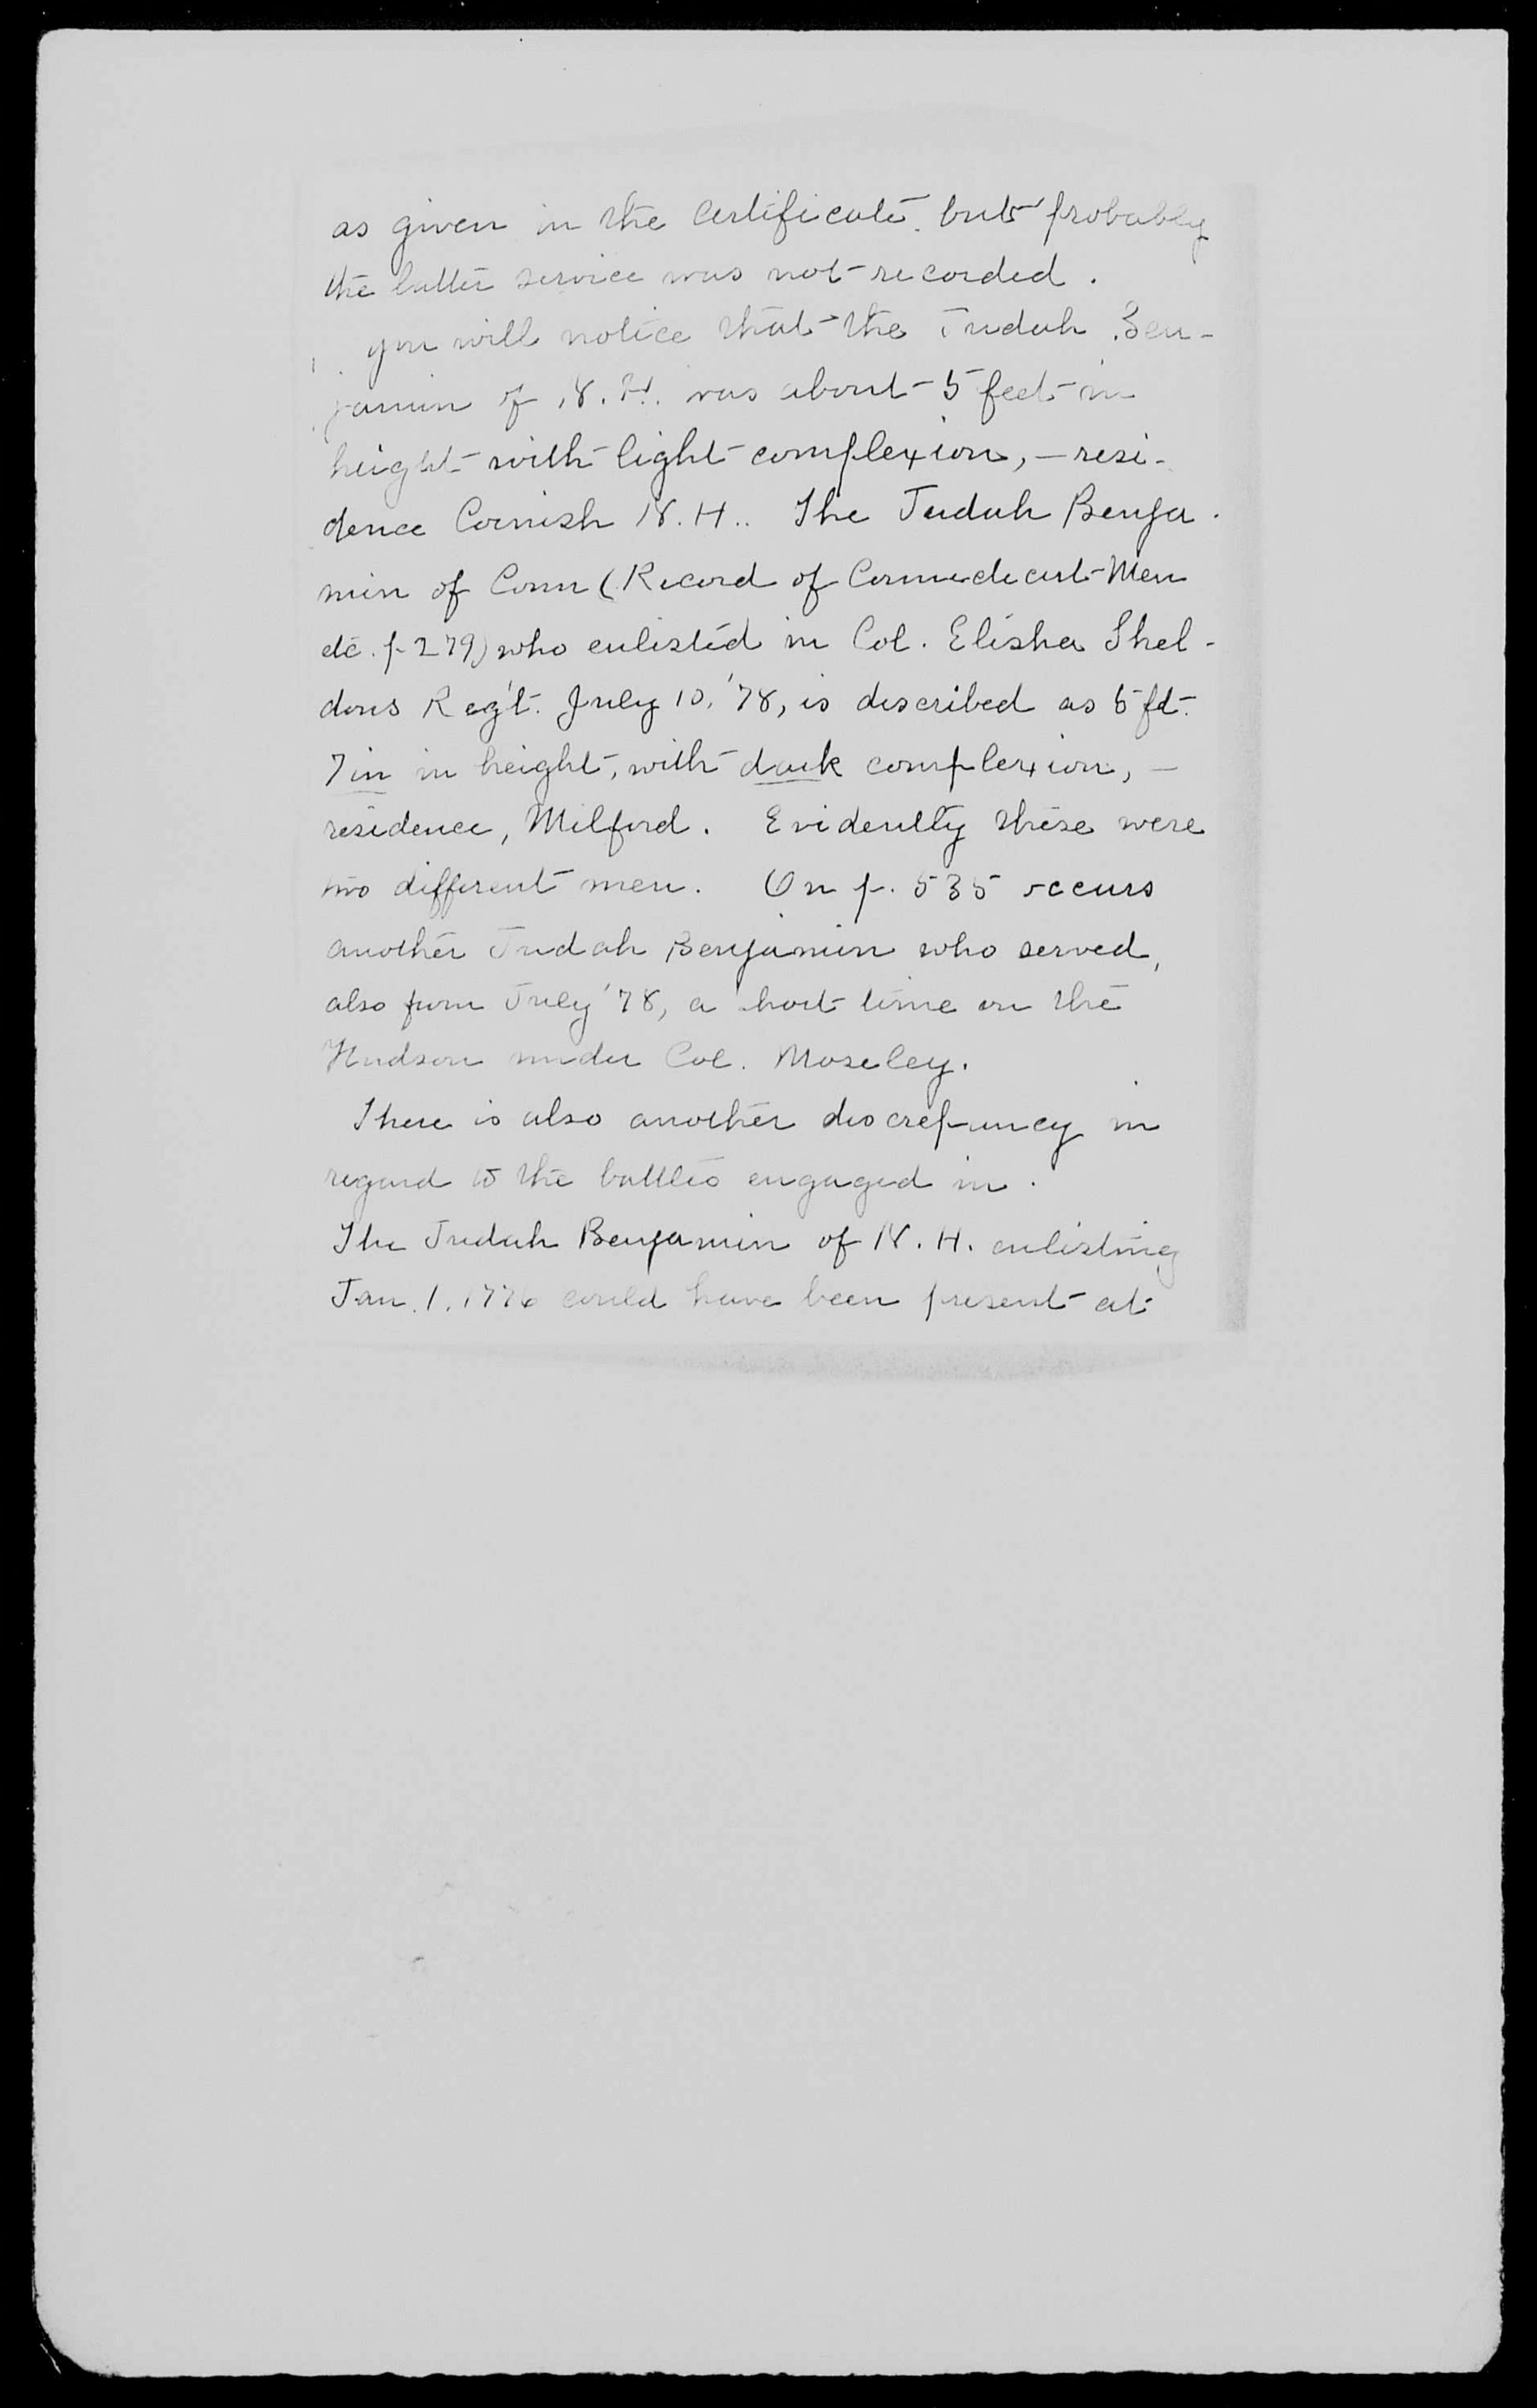as given in the certificate, but probably the latter service was not recorded.
You will notice that the Judah Benjamin of N.H. was about 5 feet in height with light complexion,-- residence Cornish N.H. The Judah Benjamin of Conn (Record of Connecticut -  Men rtc.p. 279) who enlisted in Col. Elisha Sheldons Reg't. July 10, 1778, is described as 5 ft.7in in height, with dark complexion, residence, Milford.  Evidently these were two different men.  On p.535 occurs another Judah Benjamin who served also from July 78, a short time on the Hudson under Col. Moseley.
There is also another discrepancy in regard to the battles engaged in. The Judah Benjamin of N.H. enlisting Jan. 1. 1776 could have been present at
[end of page]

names: Judah Benjamin, Judah Benjamin, Judah Benjamin, Judah Benjamin, Moseley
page: 25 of 34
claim: survivor's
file: S. 39981, Judah Benjamin, Continental (N. H. And N. Y.)